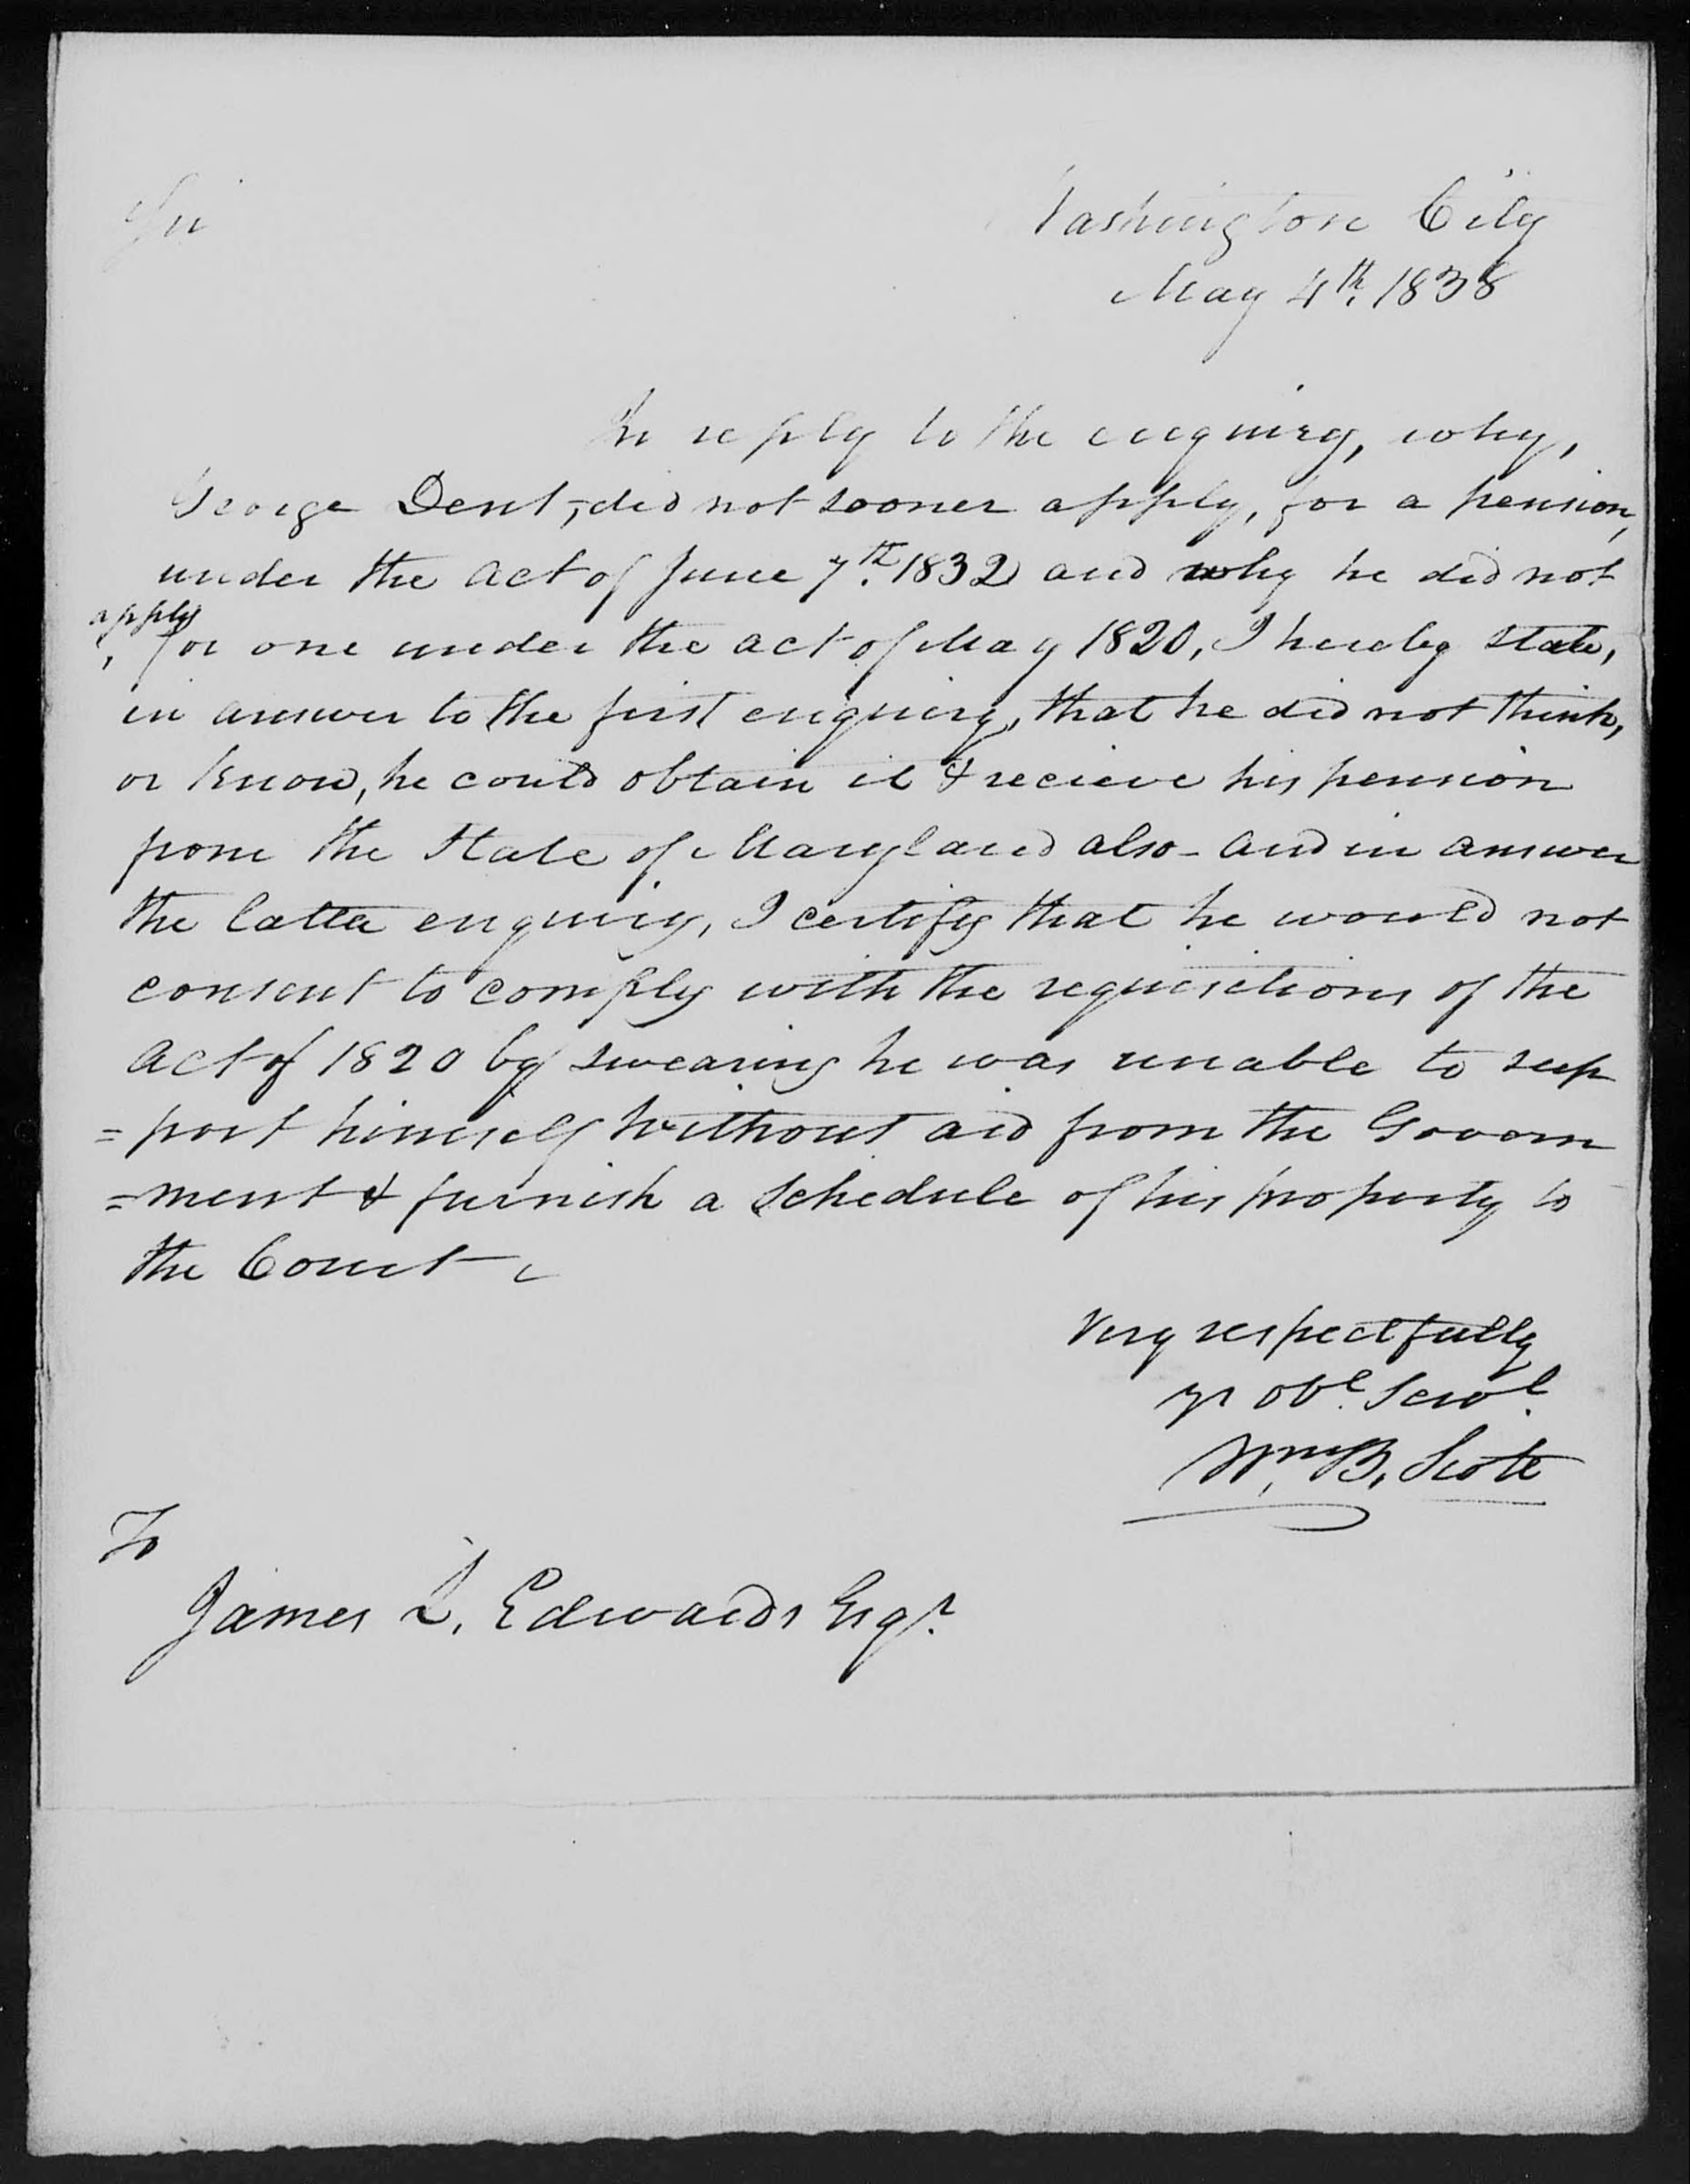Washington City
May 4th, 1838

Sir

In reply to the inquiry why George Dent did not sooner apply for a pension under the act of June 7th, 1832 and why he did not apply for one under the act of May 1820 I hereby state in answer to the first inquiry that he did not think or know he could obtain it and receive his pension from the State of Maryland also - and in answer the latter inquiry, I certify that he would not consent to comply with the requisition of the act of 1820 by swearing he was unable to support himself without aid from the government and furnish a schedule of his property to the court.

Very respectfully
your obt servant
Wm B Scott

To James L. Edwards Esqr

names: James L Edwards, George Dent, Wm B Scott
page: 41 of 49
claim: survivor's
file: S. 12755, George Dent, Md.